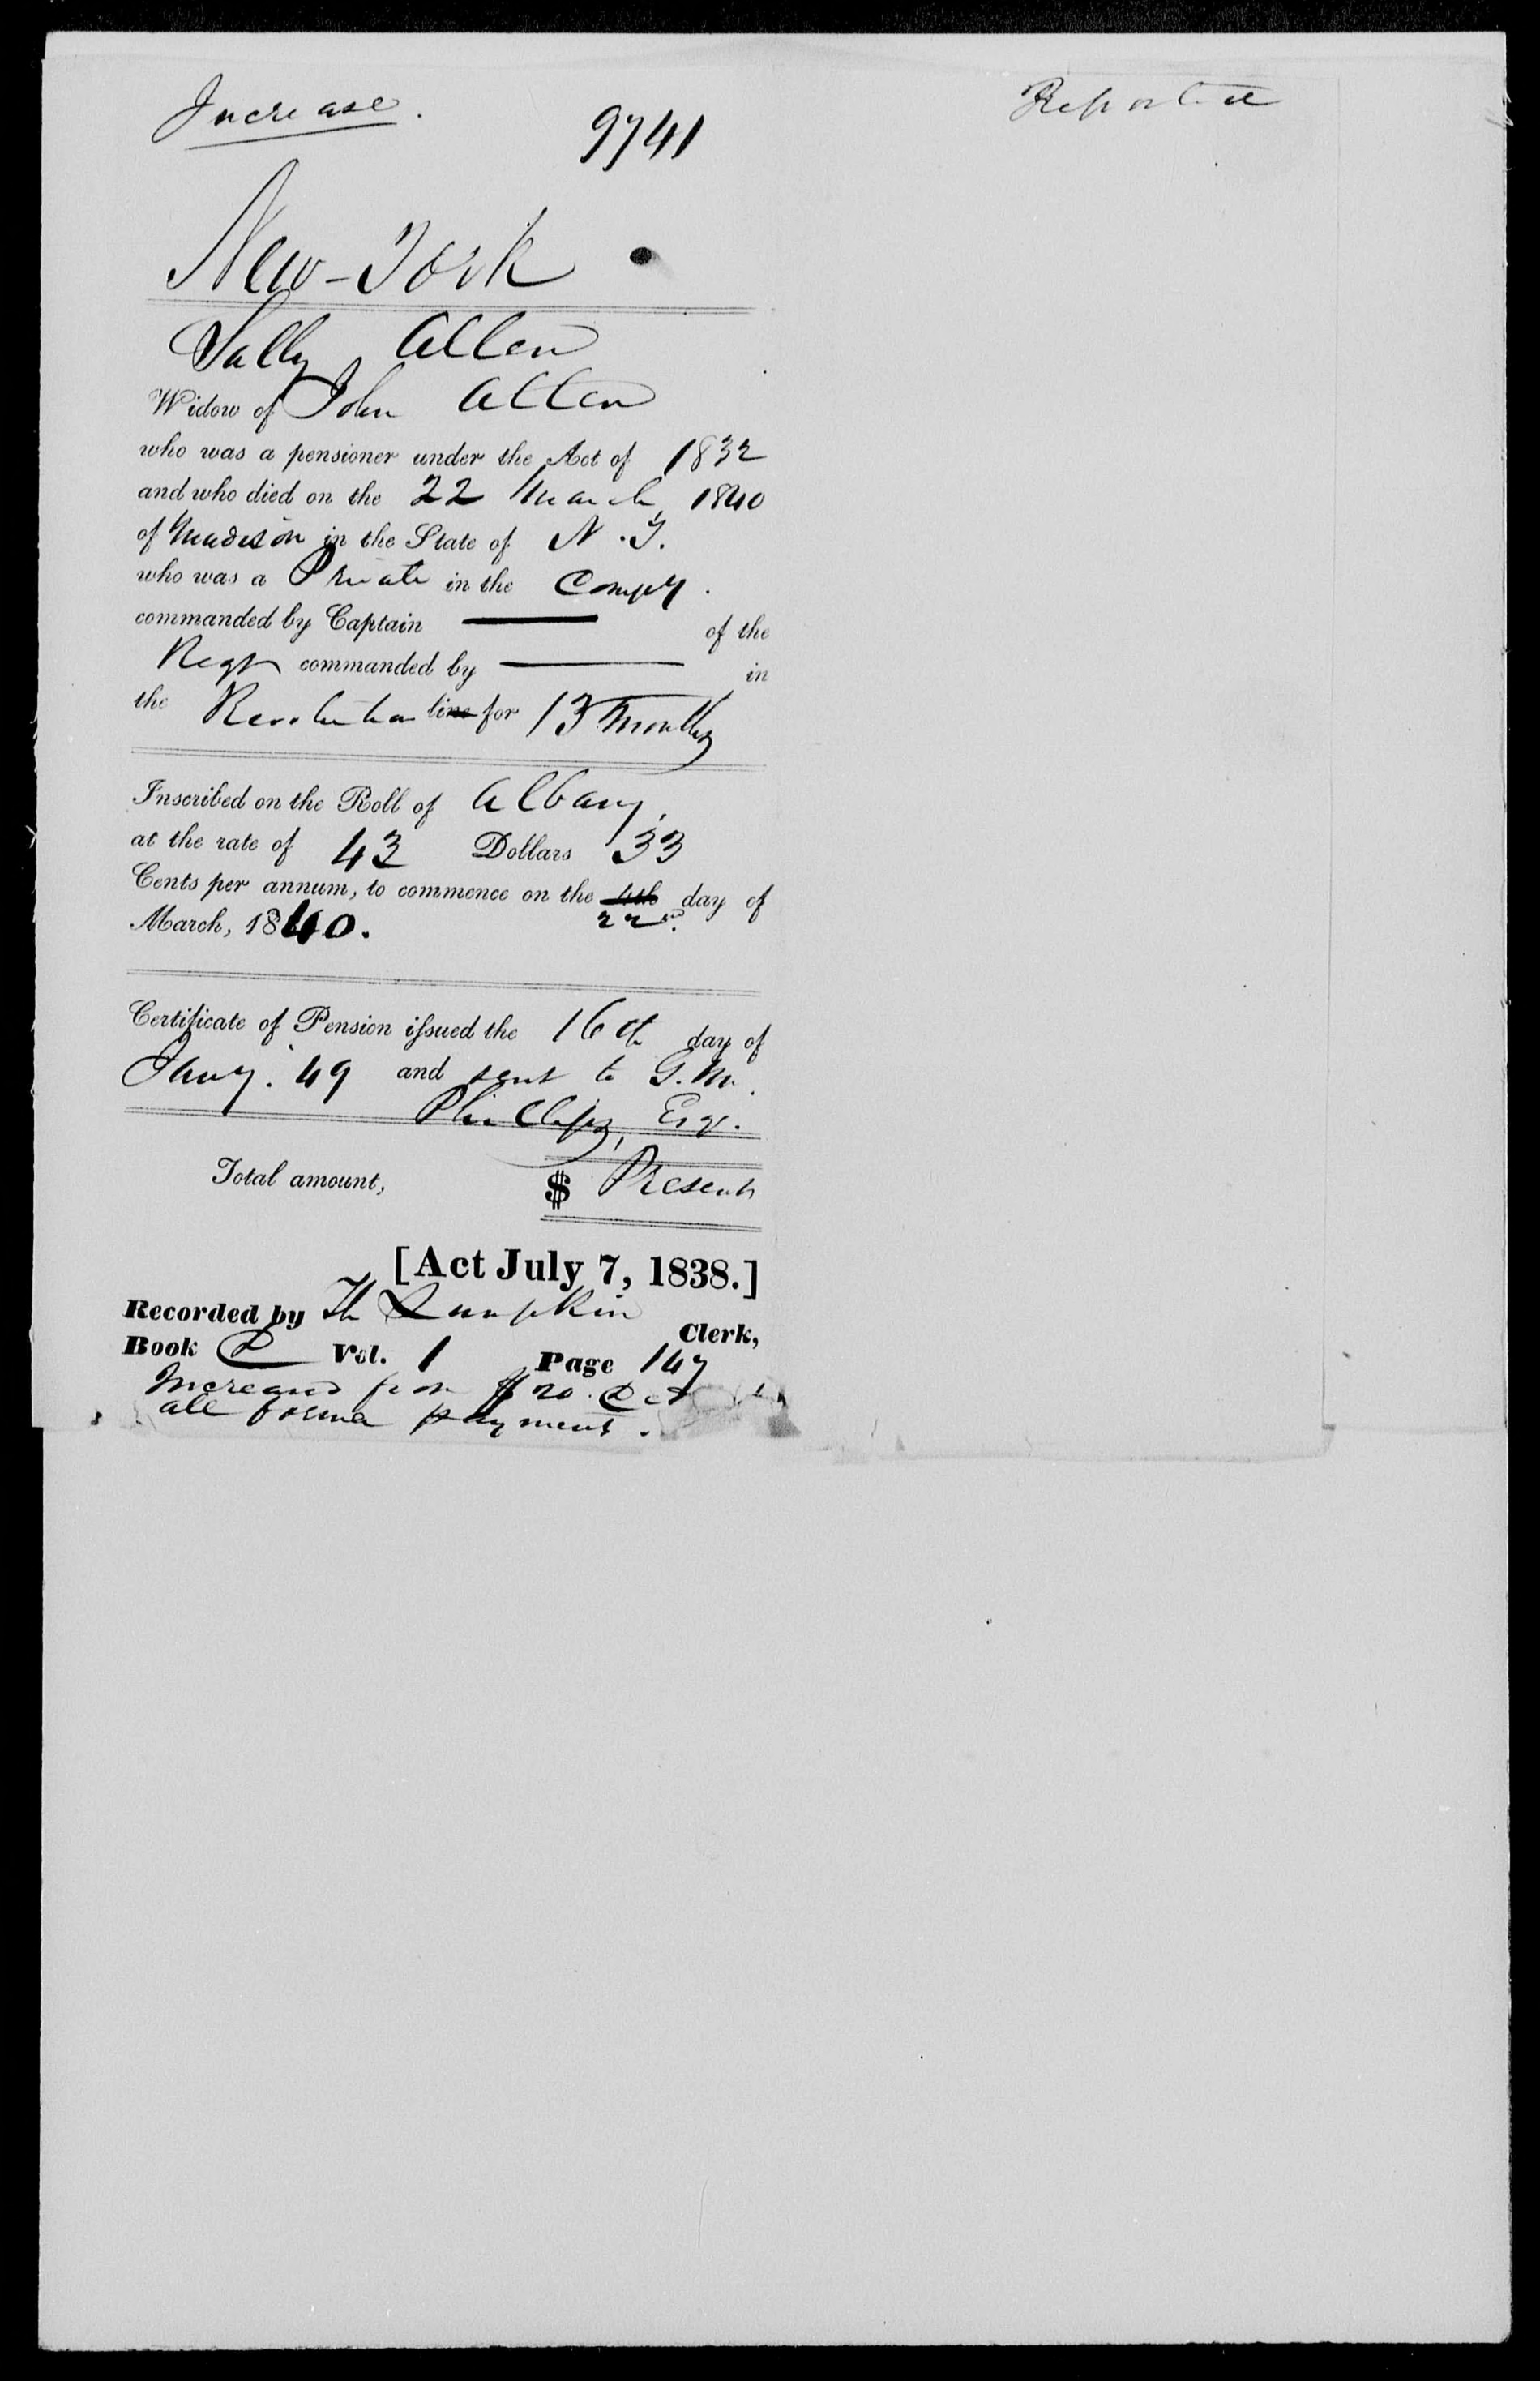[left side]
Increase 9741
New York
Sally Allen
Widow of John Allen
who was a pensioner under the Act of 1832
and who died on the 22 March 1840
of Madison in the State of N. Y.
who was a Private in the Compy
commanded by Captain [null]
Regt commanded by [null] in
The Revolution for 13 months
Inscribed on the Roll of Albany
at the rate of 43 Dollars 33
Cents per annum, to commence on the 22nd day of
March, 1840.
Certificate of Pension issued the 16th day of
Jany. 49 and sent to G.M. Phillips Esq.
Total amount             Present
[Act July 7, 1838.]
Recorded by Th. Lumpkin Clerk,
Book 8 Vol. 1 Page 147
Increase from $20 [illegible]
All forms of payment.
[right side]
Reported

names: John Allen, Sally Allen, Th Lampkin, G M Phillips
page: 36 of 74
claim: widow's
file: W. 23424, John Allen, Mass. R. I.